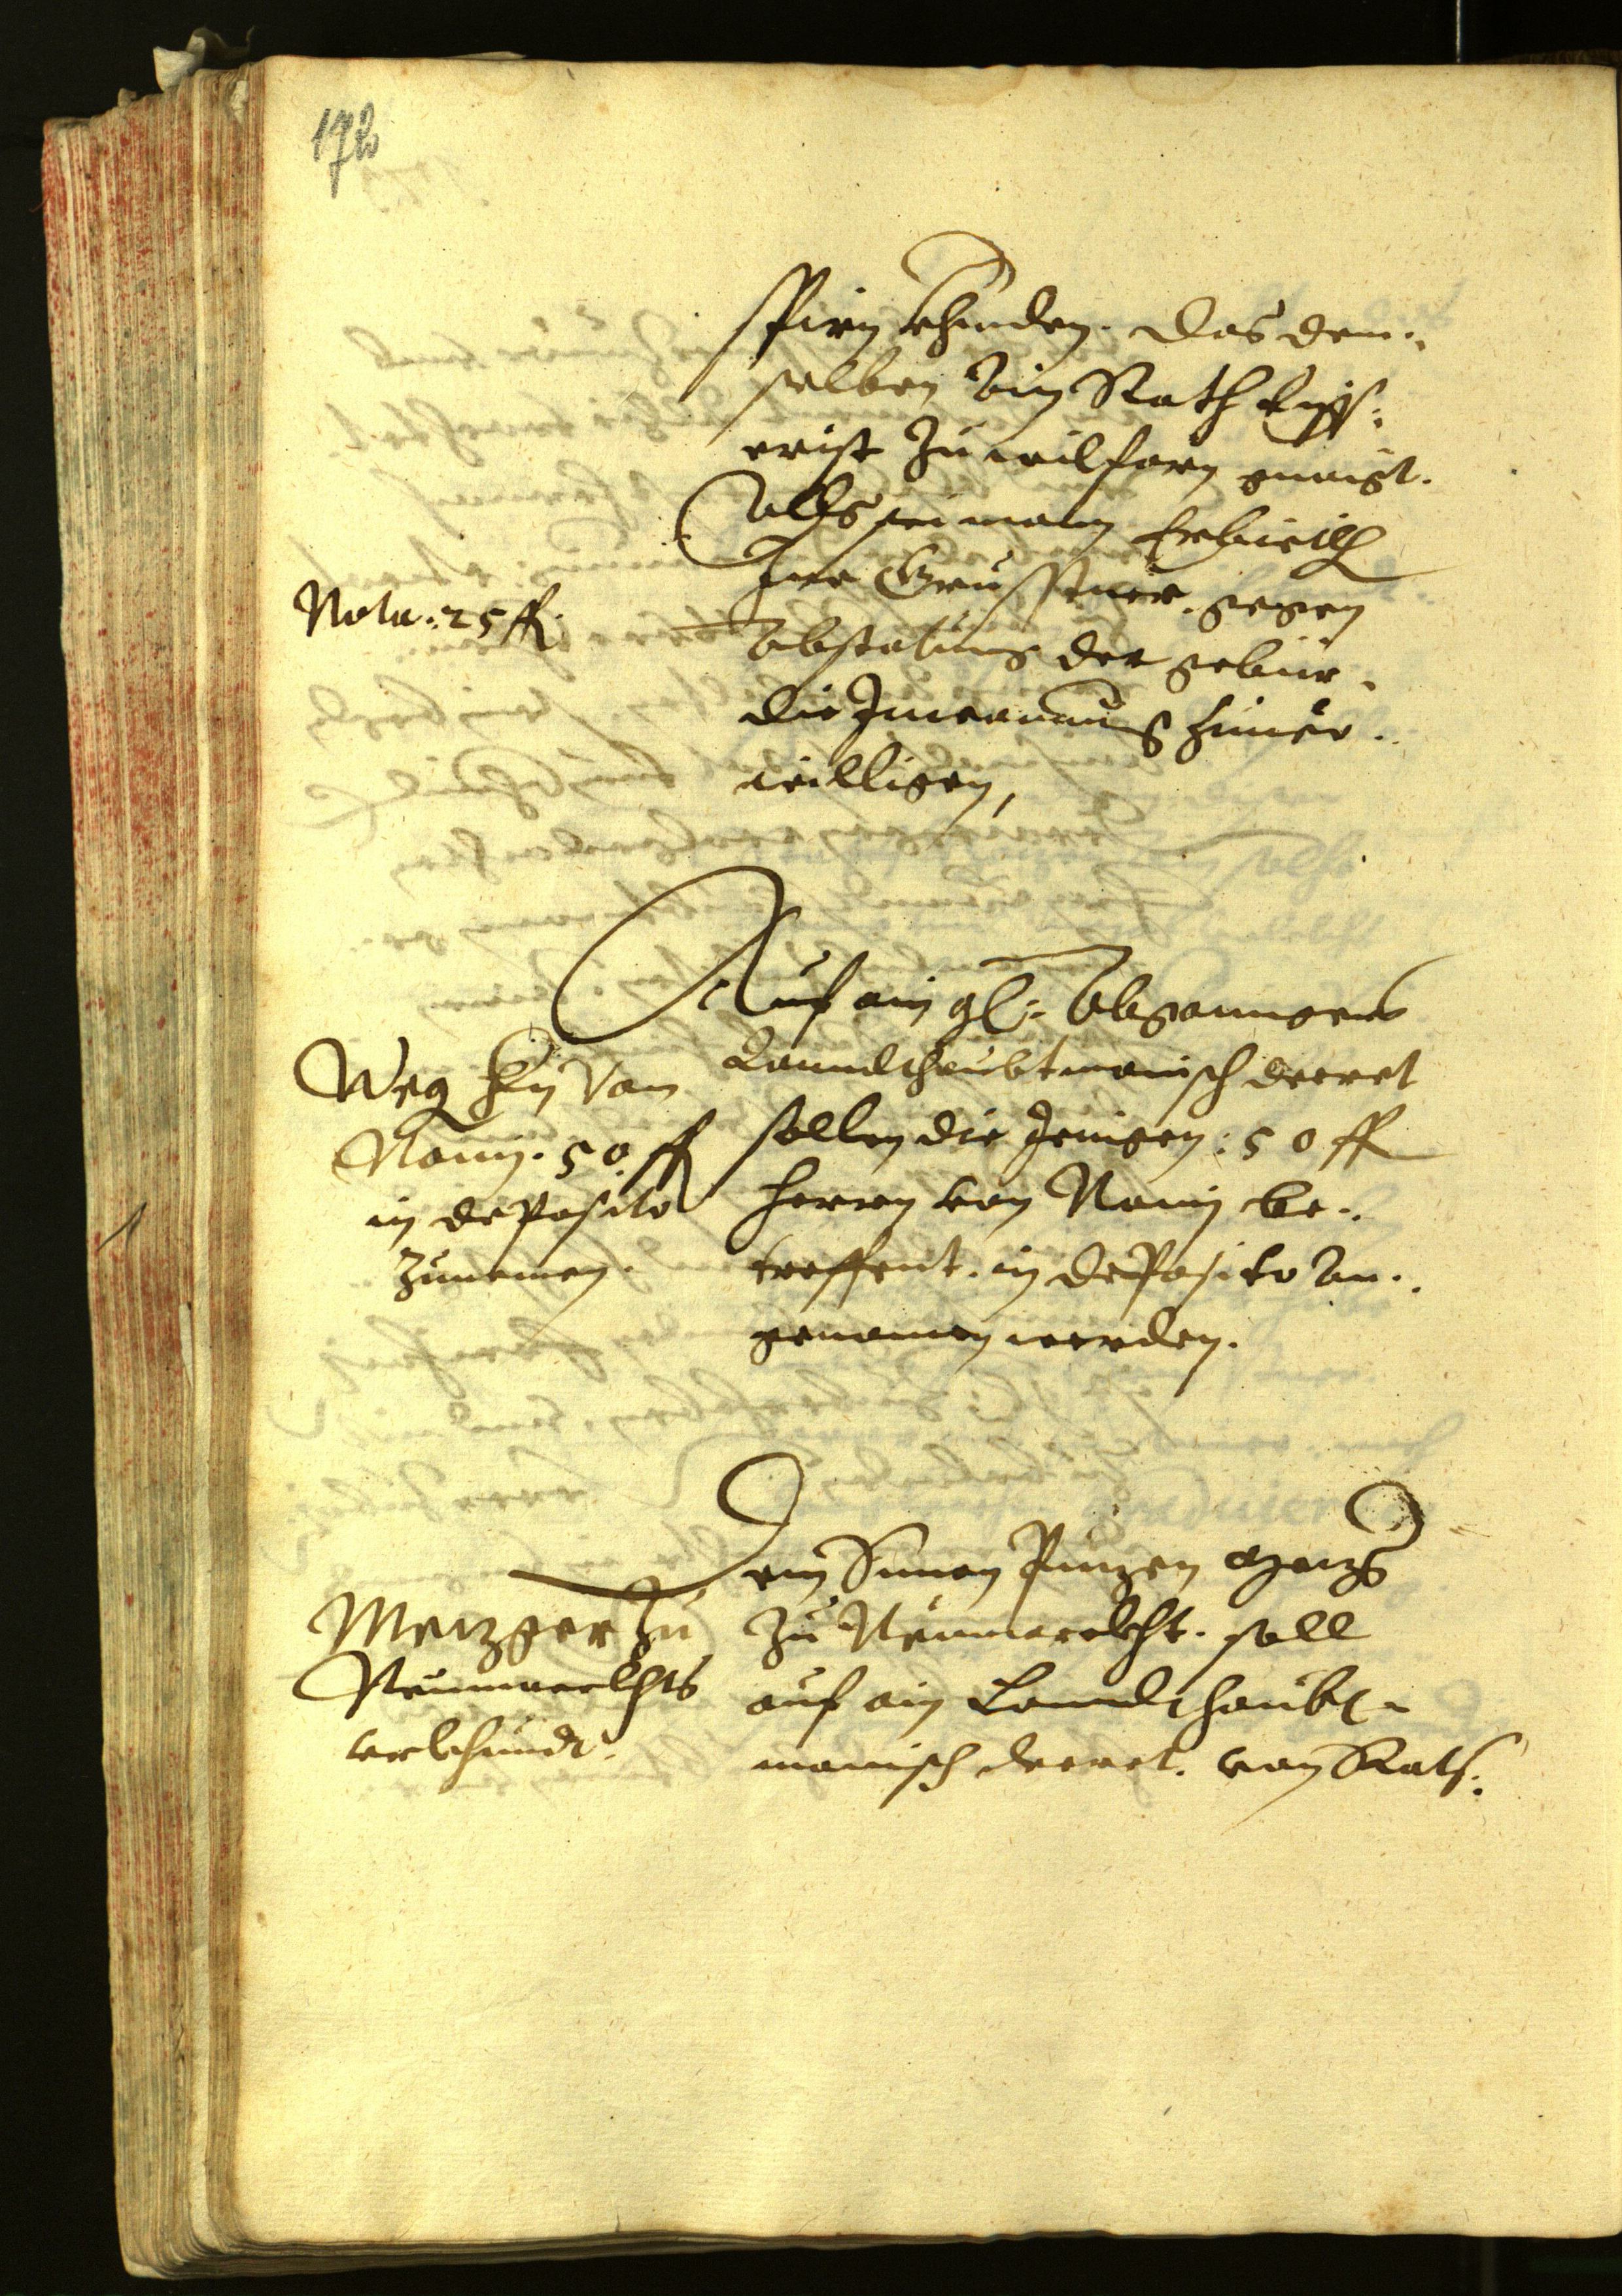172
spirn khinden. das den¬
selben Ain Rath Eiss¬
erist Zū wilfarn gnaigt.
Alls sei mann Erbietl
Ine Grūsstner. gegen
Abstatūng der gebür.
die Inwonūng Zūver¬
willigen,
Nota: 25 fl.
Aūf ain g: Abganngens
Lanndthaūbtmannisch decret
sollen die Jenigen: 50 fl
herrn von Nomi be¬
treffent. in dePosito An¬
genomen werden.
Weg hn Von
Nomi. 50 fl
in dePosito
Zūnemen.
Dem Simon Pinzen Mezg
Zū Neūmarckht. soll
aūf ain Lanndthaūbt¬
manisch decret. von Rats¬
Mezger Zū
Neūmarckhts
vrkhūndt.